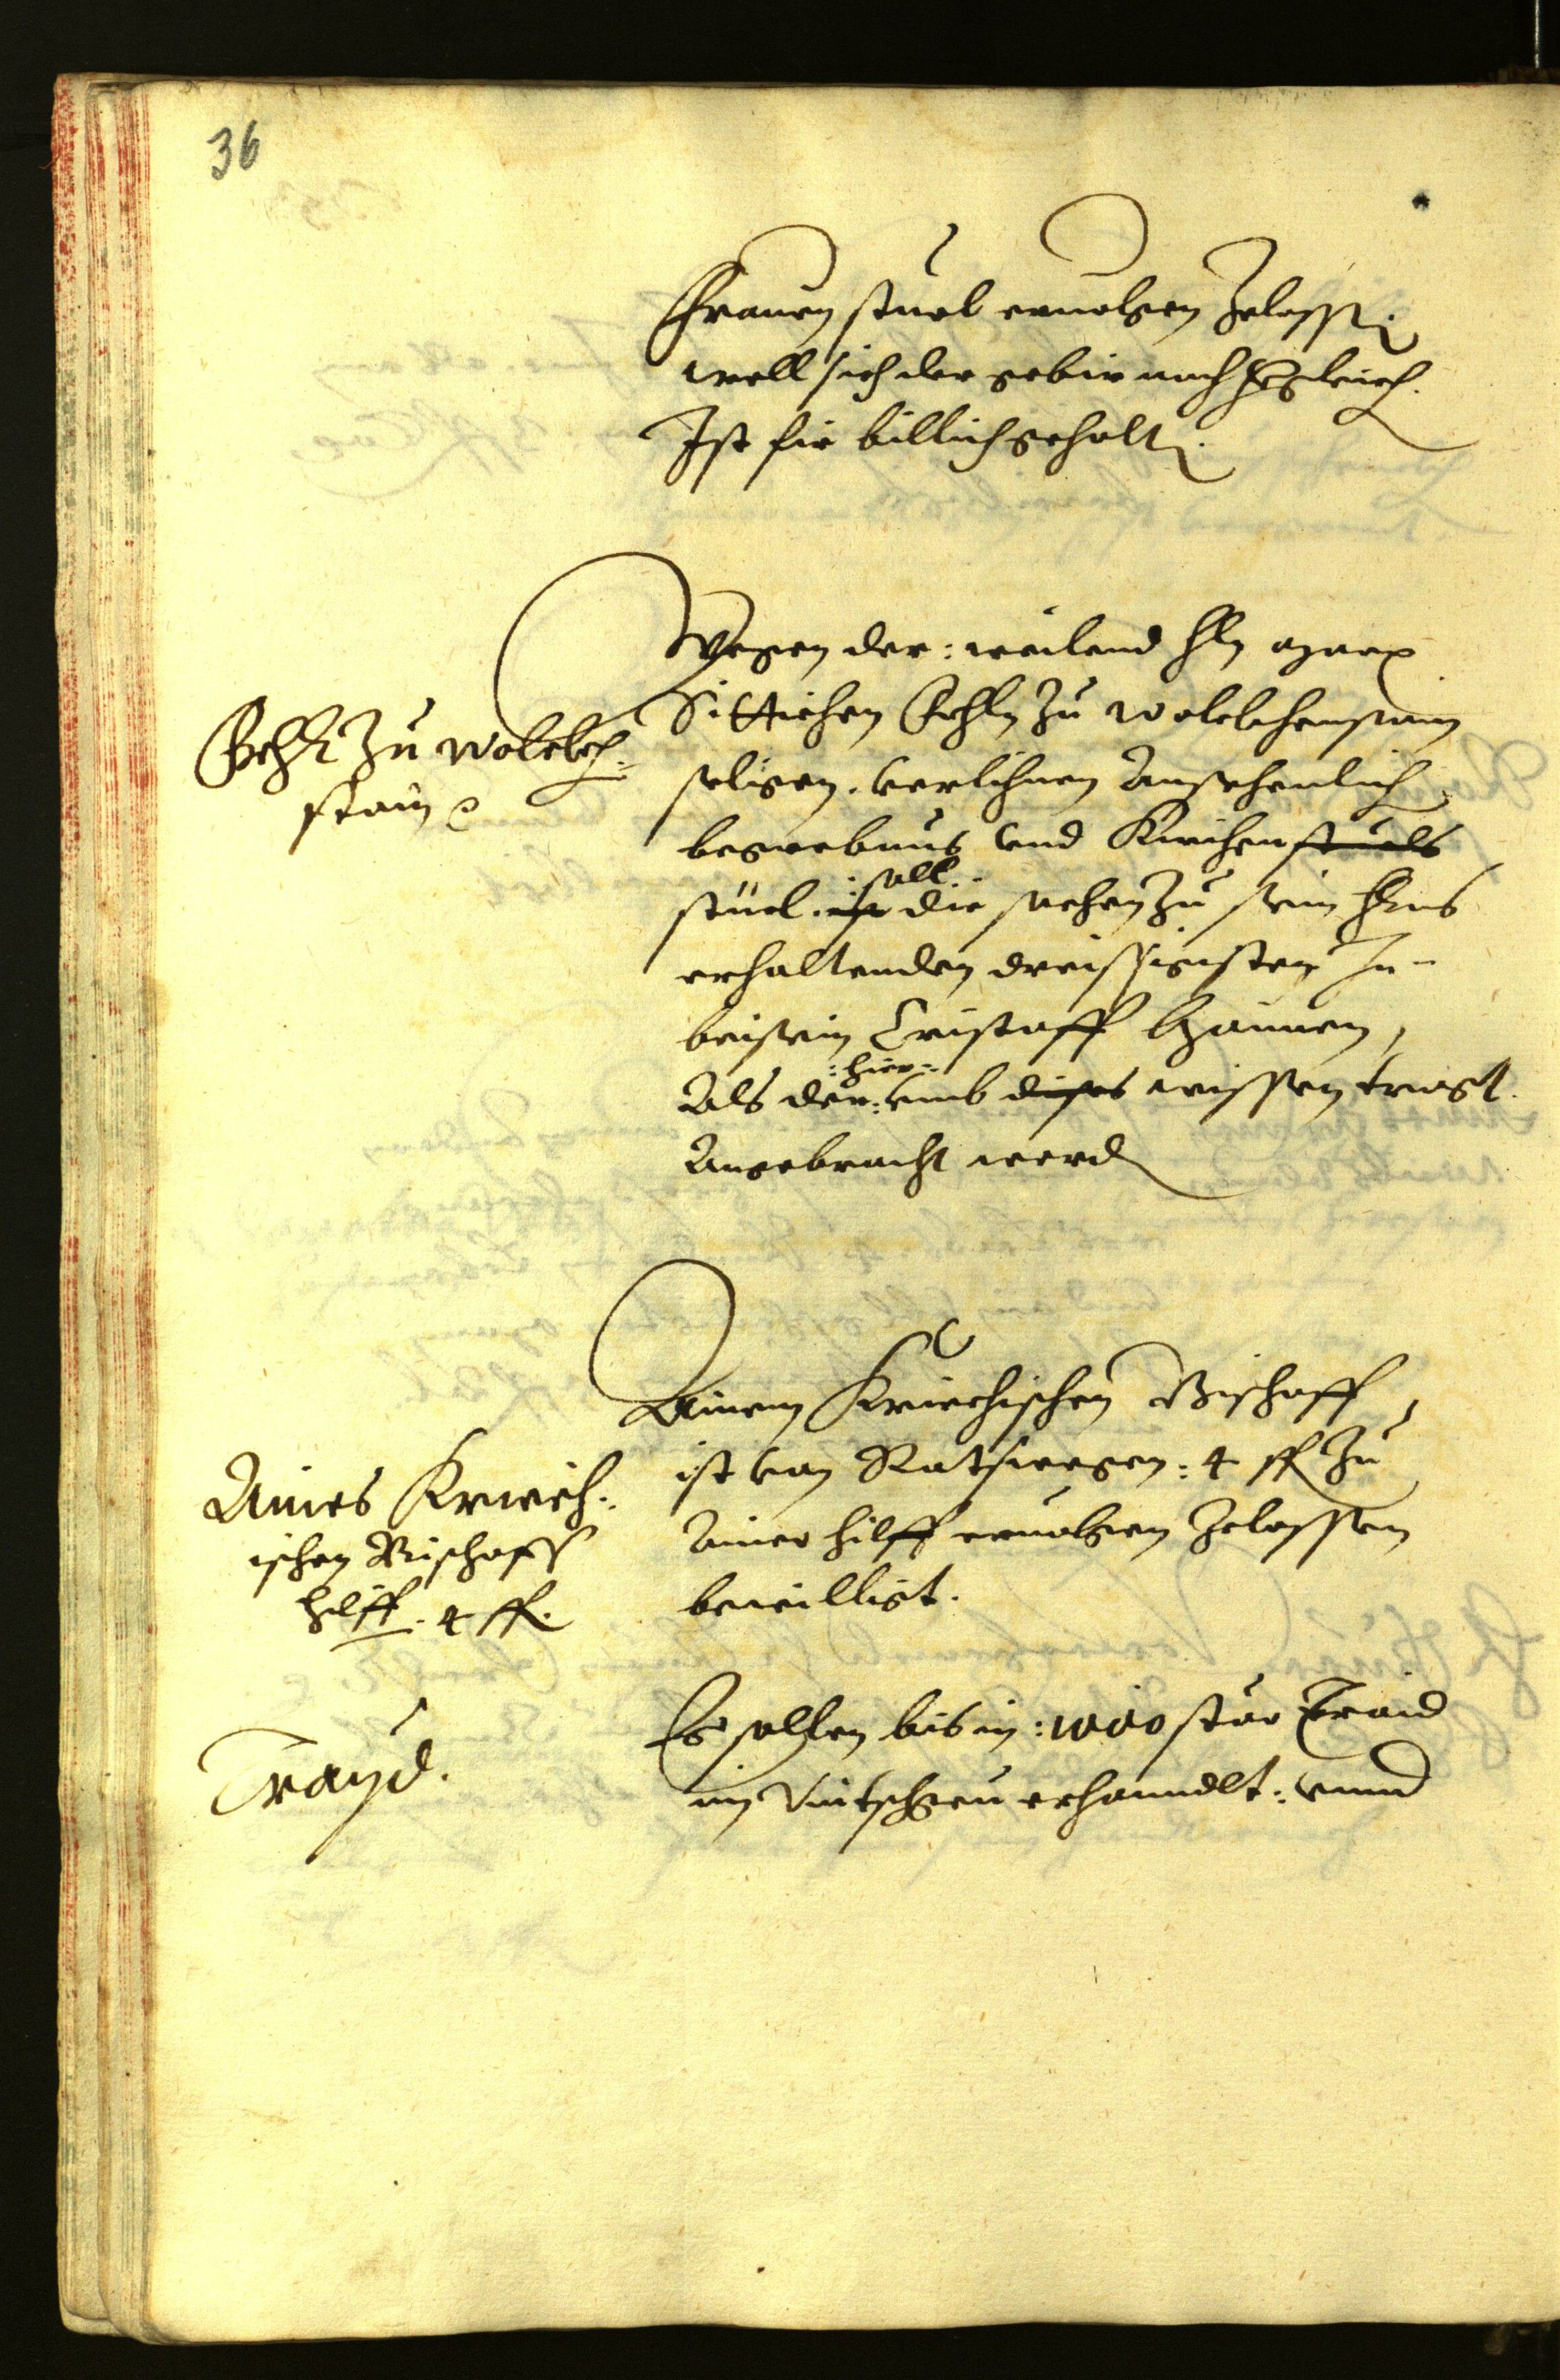36
Fraūen stūel erūolgen Zelass.
well sich der gebir nach vgleich.
Ist fir billich gehalt.
Wegen der: weilend hln Marx
Sittichen Frhn Zū Wolckhenstain
seligen. verlihnen Ansehnlich
begrebūng vnd Kirchenstūels
:soll:
stüel ist die sachen Zū sein Haus
erhaltenden dreissigsten In¬
beisein Cristoff Haimen,
Als der hier umb dises wissen tragt
Angebracht werd
Frh Zū Wolckh¬
stain etc.
Ainem Kriechischen Bischoff
ist von Ratswegen: 4 fl Zū
Ainer hilff ervōlgen Zelassen
bewilligt.
Aines Kriech¬
ischen Bischoff
Hilff —. 4 fl.
Es sollen bis in: 1000 Stār Traid
im Vintschgeū erhanndlt: vnnd
Traȳd.